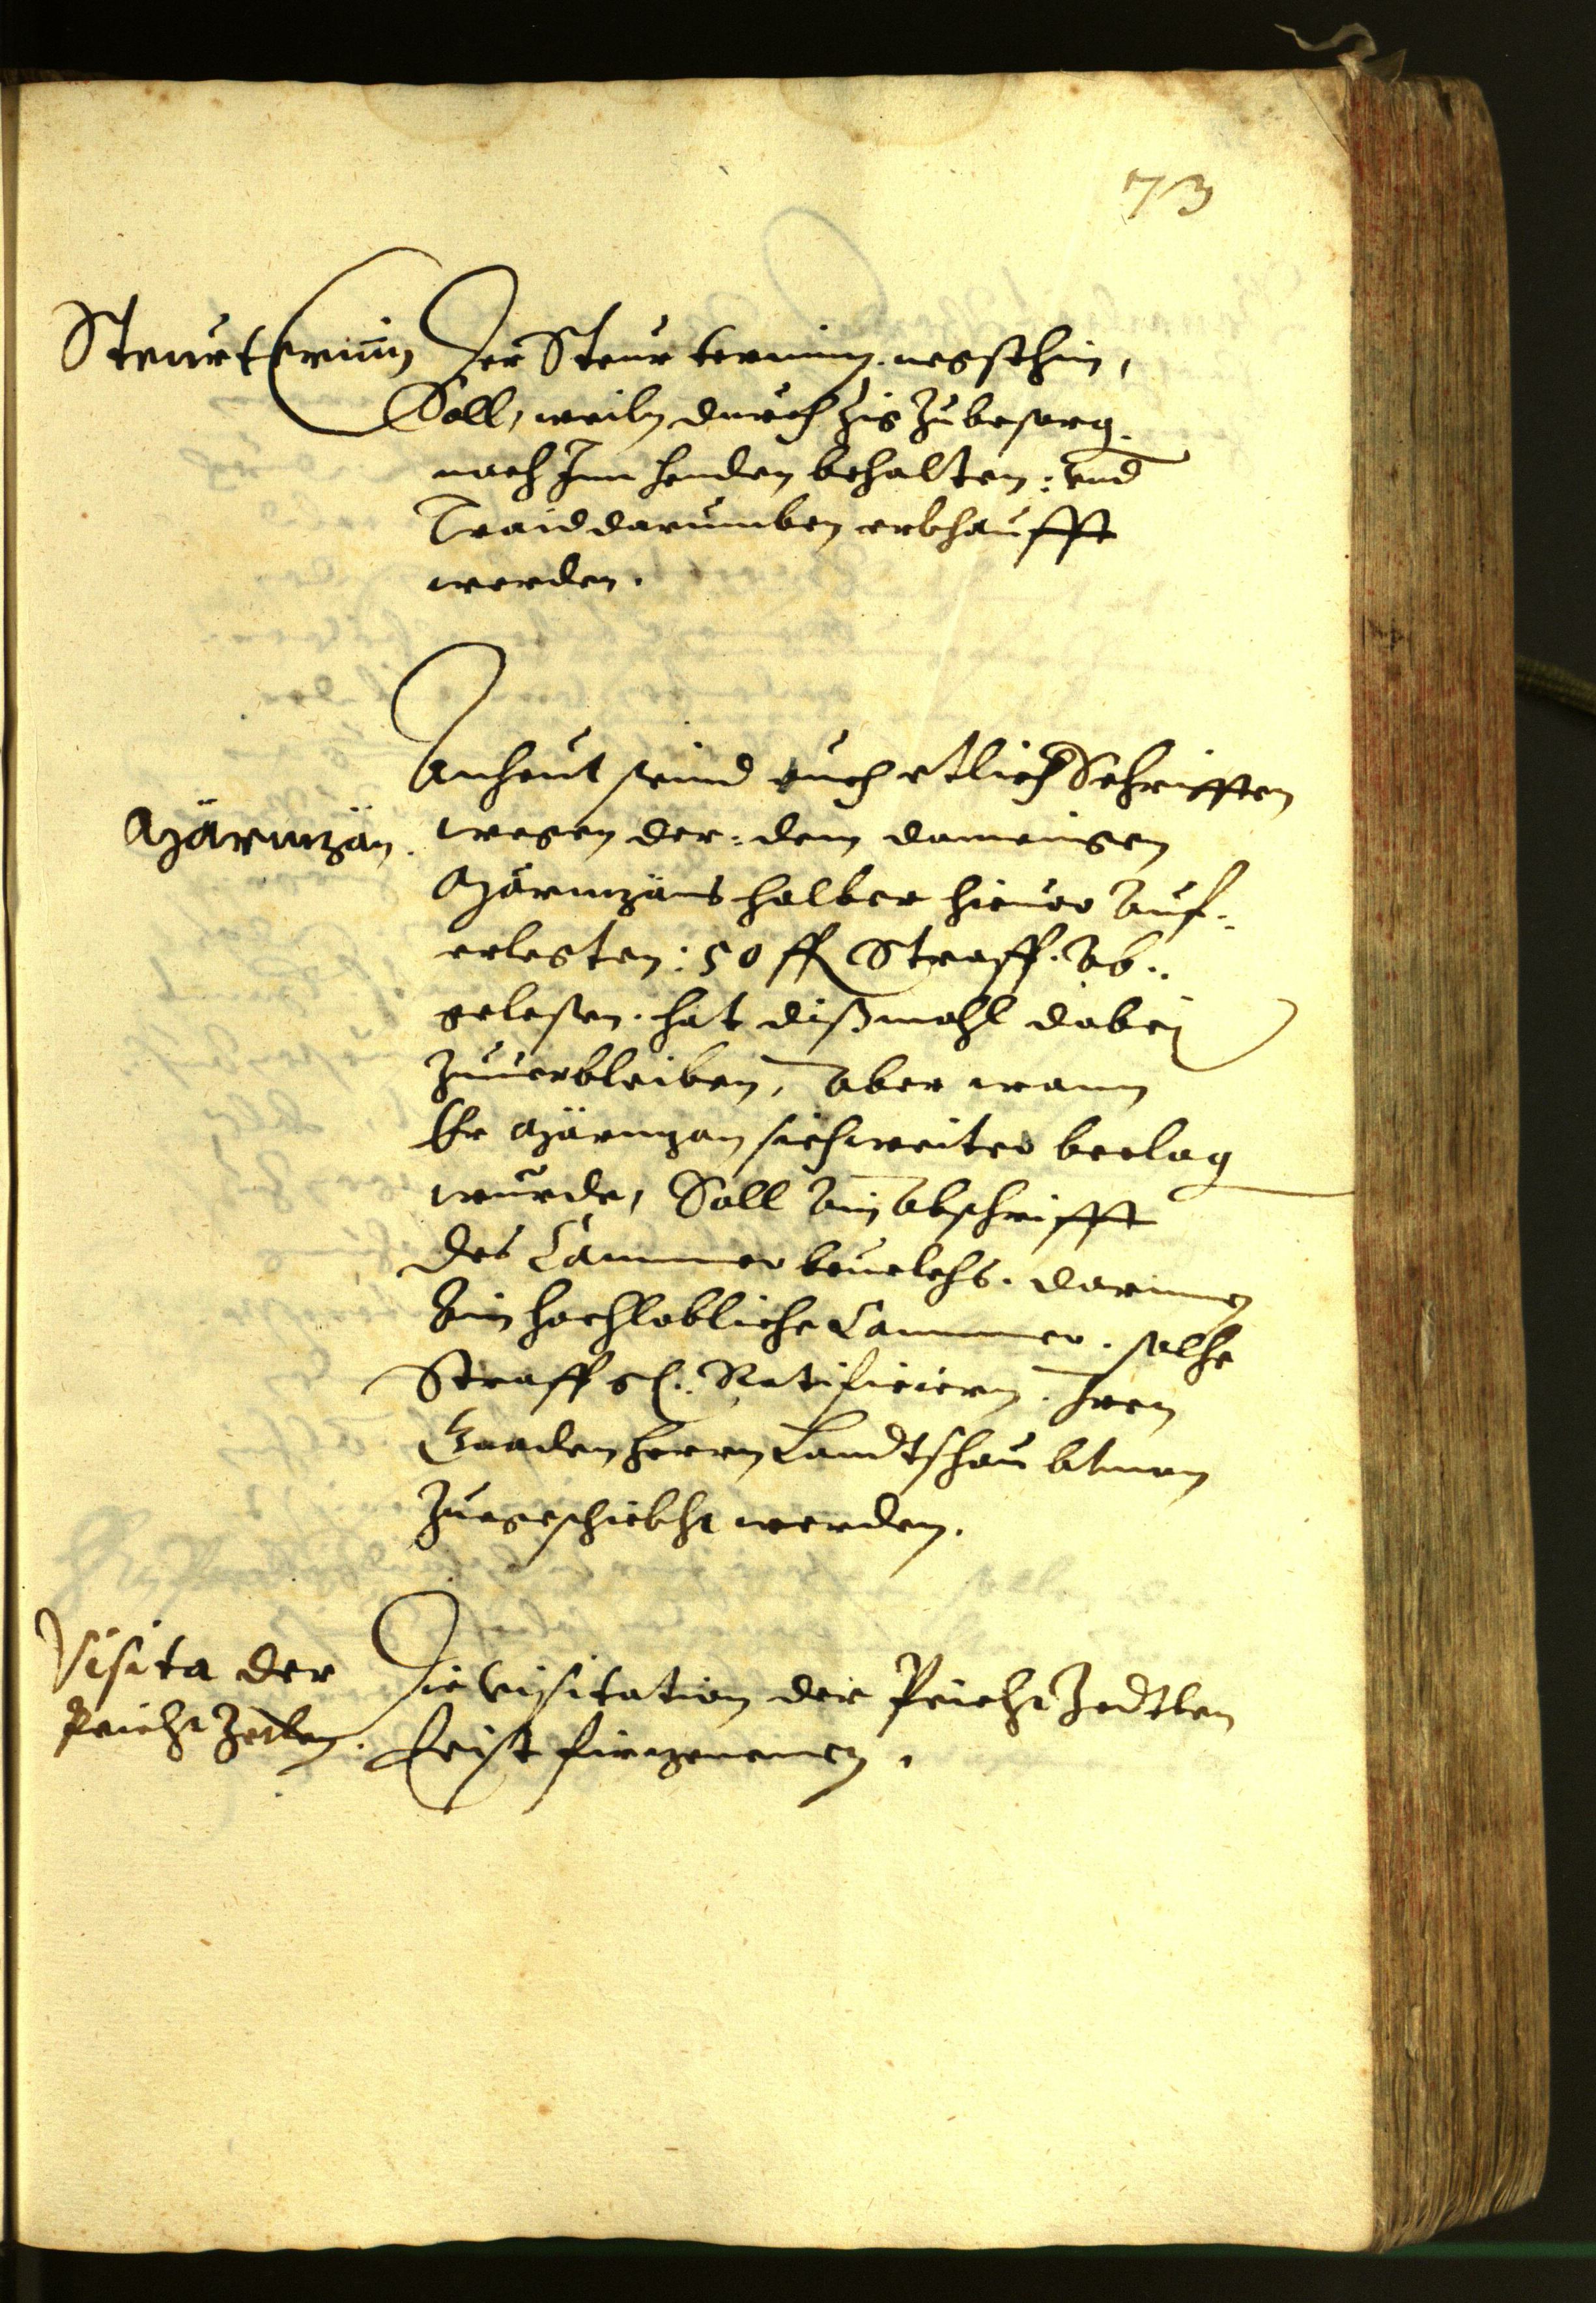73
Der Steūrtermin. negsthin,
Soll, weiln dūrch Zig Zū besorg.
noch Inn henden behalten: vnd
Traid darūmben erkhaūfft
werden.
Steūrtermin.
Anheūt seind aūch etlich Schrifften
wegen der: dem Domenigen
Mārntzäns halber hieūor Aūf¬
erlegten: 50 fl Straff. Ab¬
gelesen. hat dißmahl dabej
Zūūerbleiben, Aber wann
Er Märnzan sich weiter beclag
wūrde, Soll Ain Abschrifft
des Cammer beūelchs. darinnen
Ain hochlobliche Cammer. solhe
Straff g: Ratificiern. Iren
Gnaden herrn Landtshaūbtman
Zūegeschickht werden.
Märnzän.
Die Visitation der Peicht Zedtlen
Eeist firzenemen.
Visita der
Peicht Zetlen.